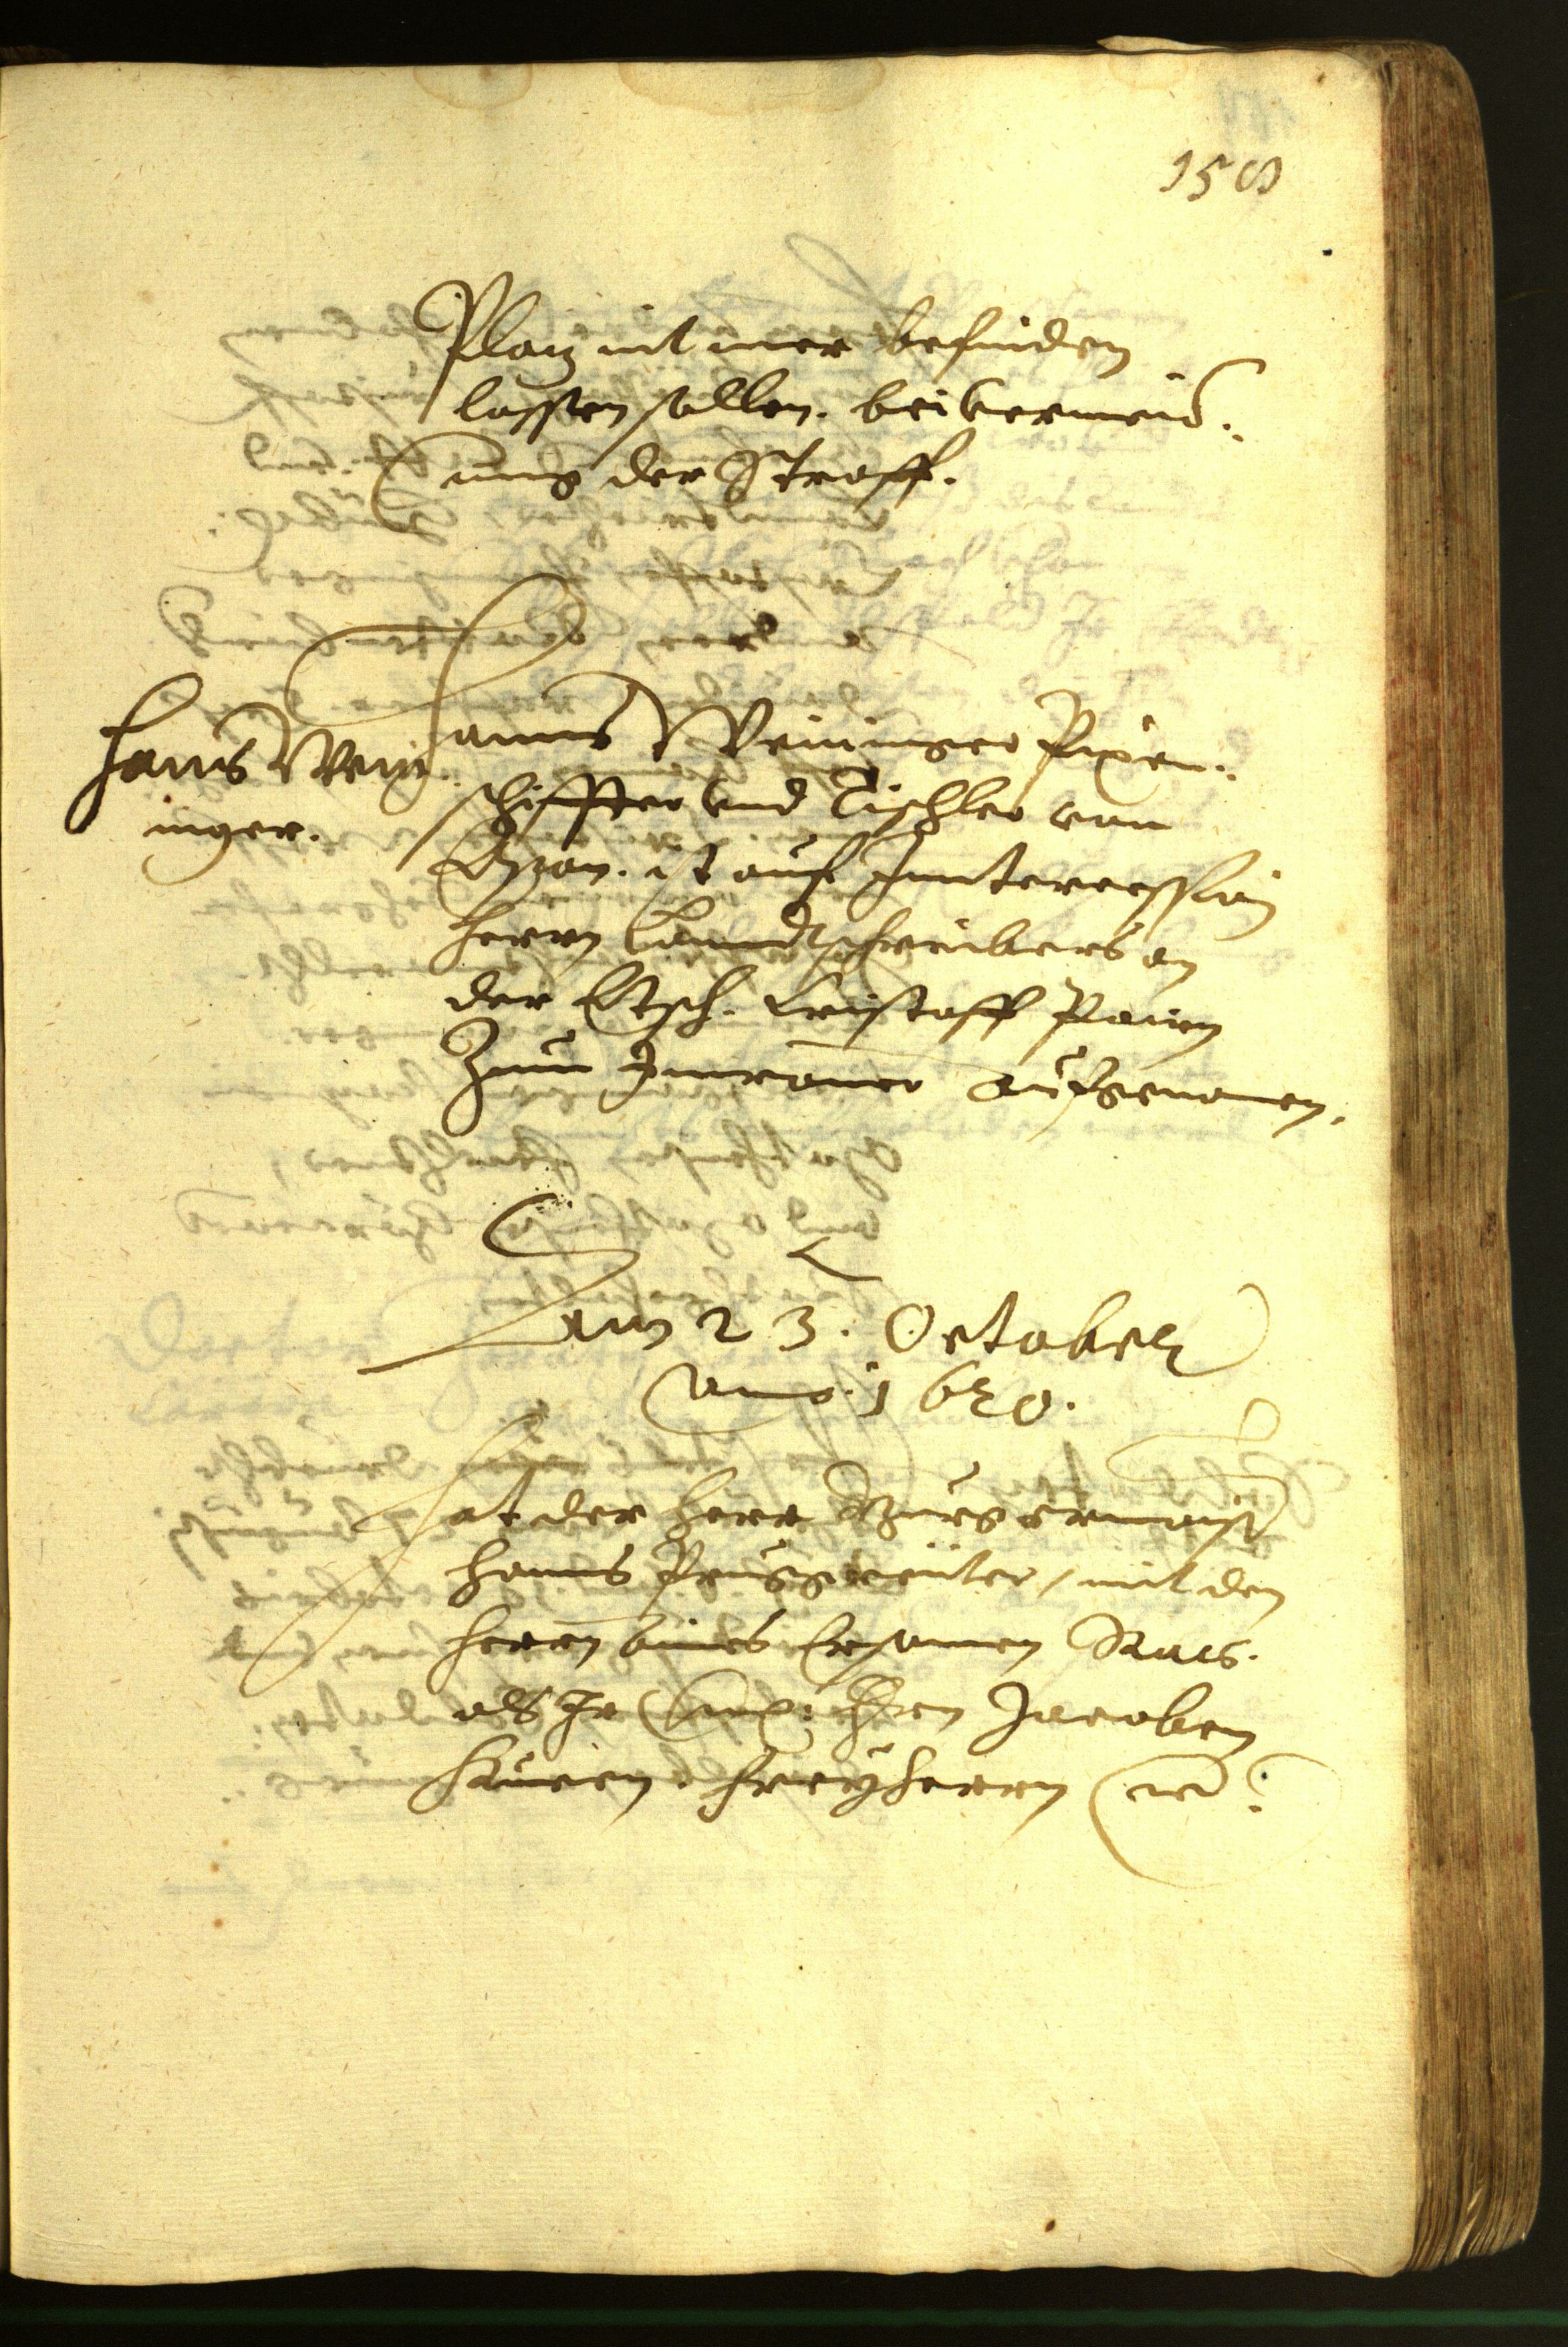158
Plaz nit mer befinden
lassen sollen. bei vermeid¬
ūng der Straff.
hans Weininger Pixen¬
schiffter vnd Tischler von
Epan. ist aūf Inntercession
herrn Lanndtschreibers an
der Etsch. Cristoff Pairn
Zūm Inwoner aūfgenomen.
Hans Wein¬
inger.
t
Am 23. October
Anno .1620.
hat der herr Būrgermaist
hanns Prūggreüter, mit den
herrn Aines Ersamen Rats.
als Ir Gn: hen Jacoben
Kūeen. freȳherrn etc.